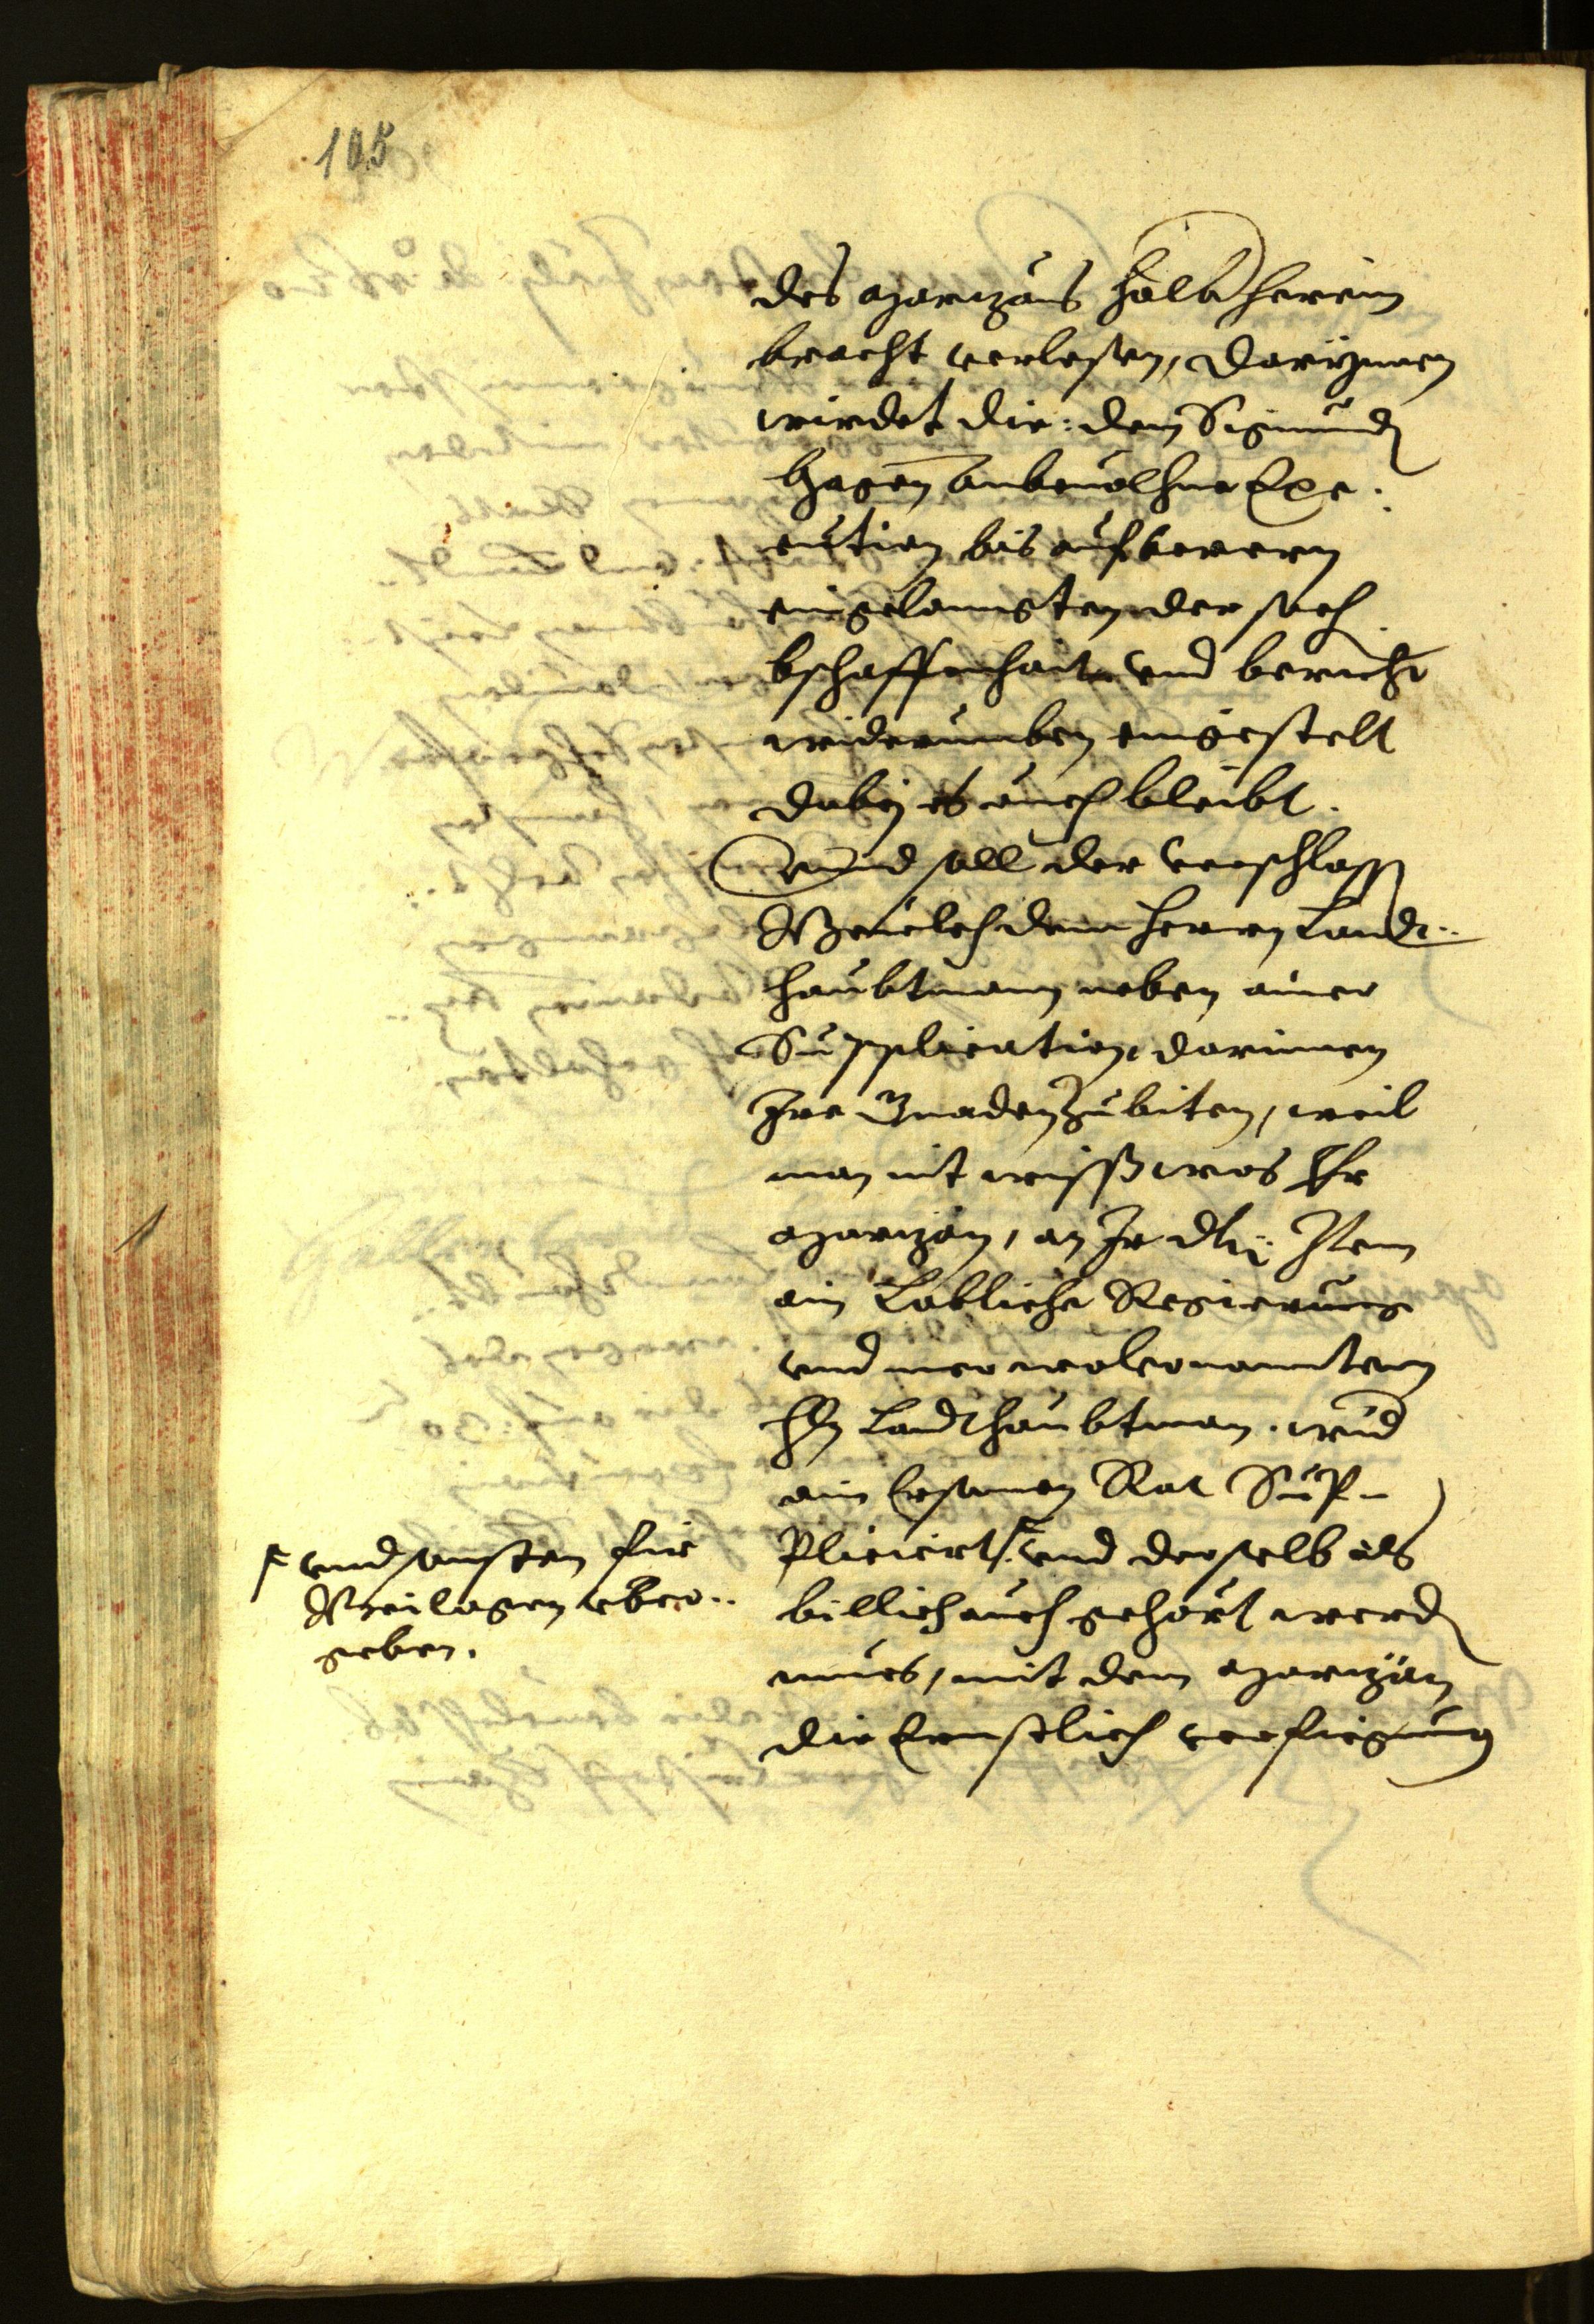105
des Marzāns halb herein
bracht verlesen, darÿnnen
wirdet die: dem Sigmūnd
Hagen Anbeūolhne Exe¬
cūtion bis aūf verern
eingelanngten der sach
bschaffenhait vnd bericht
widerūmben eingestelt
dabej es aūch bleibt.
Vnnd soll der verschloss
Beūelch dem herrn Landt¬
haūbtmann neben ainer
Sūpplication darinnen
Ire Gnaden Zū biten, weil
man nit wisß was Er
Marzän, an Ir dt: Item
ain Lobliche Regierūng
vnd mer wolernannten
hln Landthaūbtman. wid
ain Ersamen Rat SūP¬
Pliciert. vnd derselb als
billich aūch gehōrt werd
mūes, mit dem Marzän
die Ernstlich verfiegūng
vnd sonsten fir
Beilagen v̄ber¬
geben.